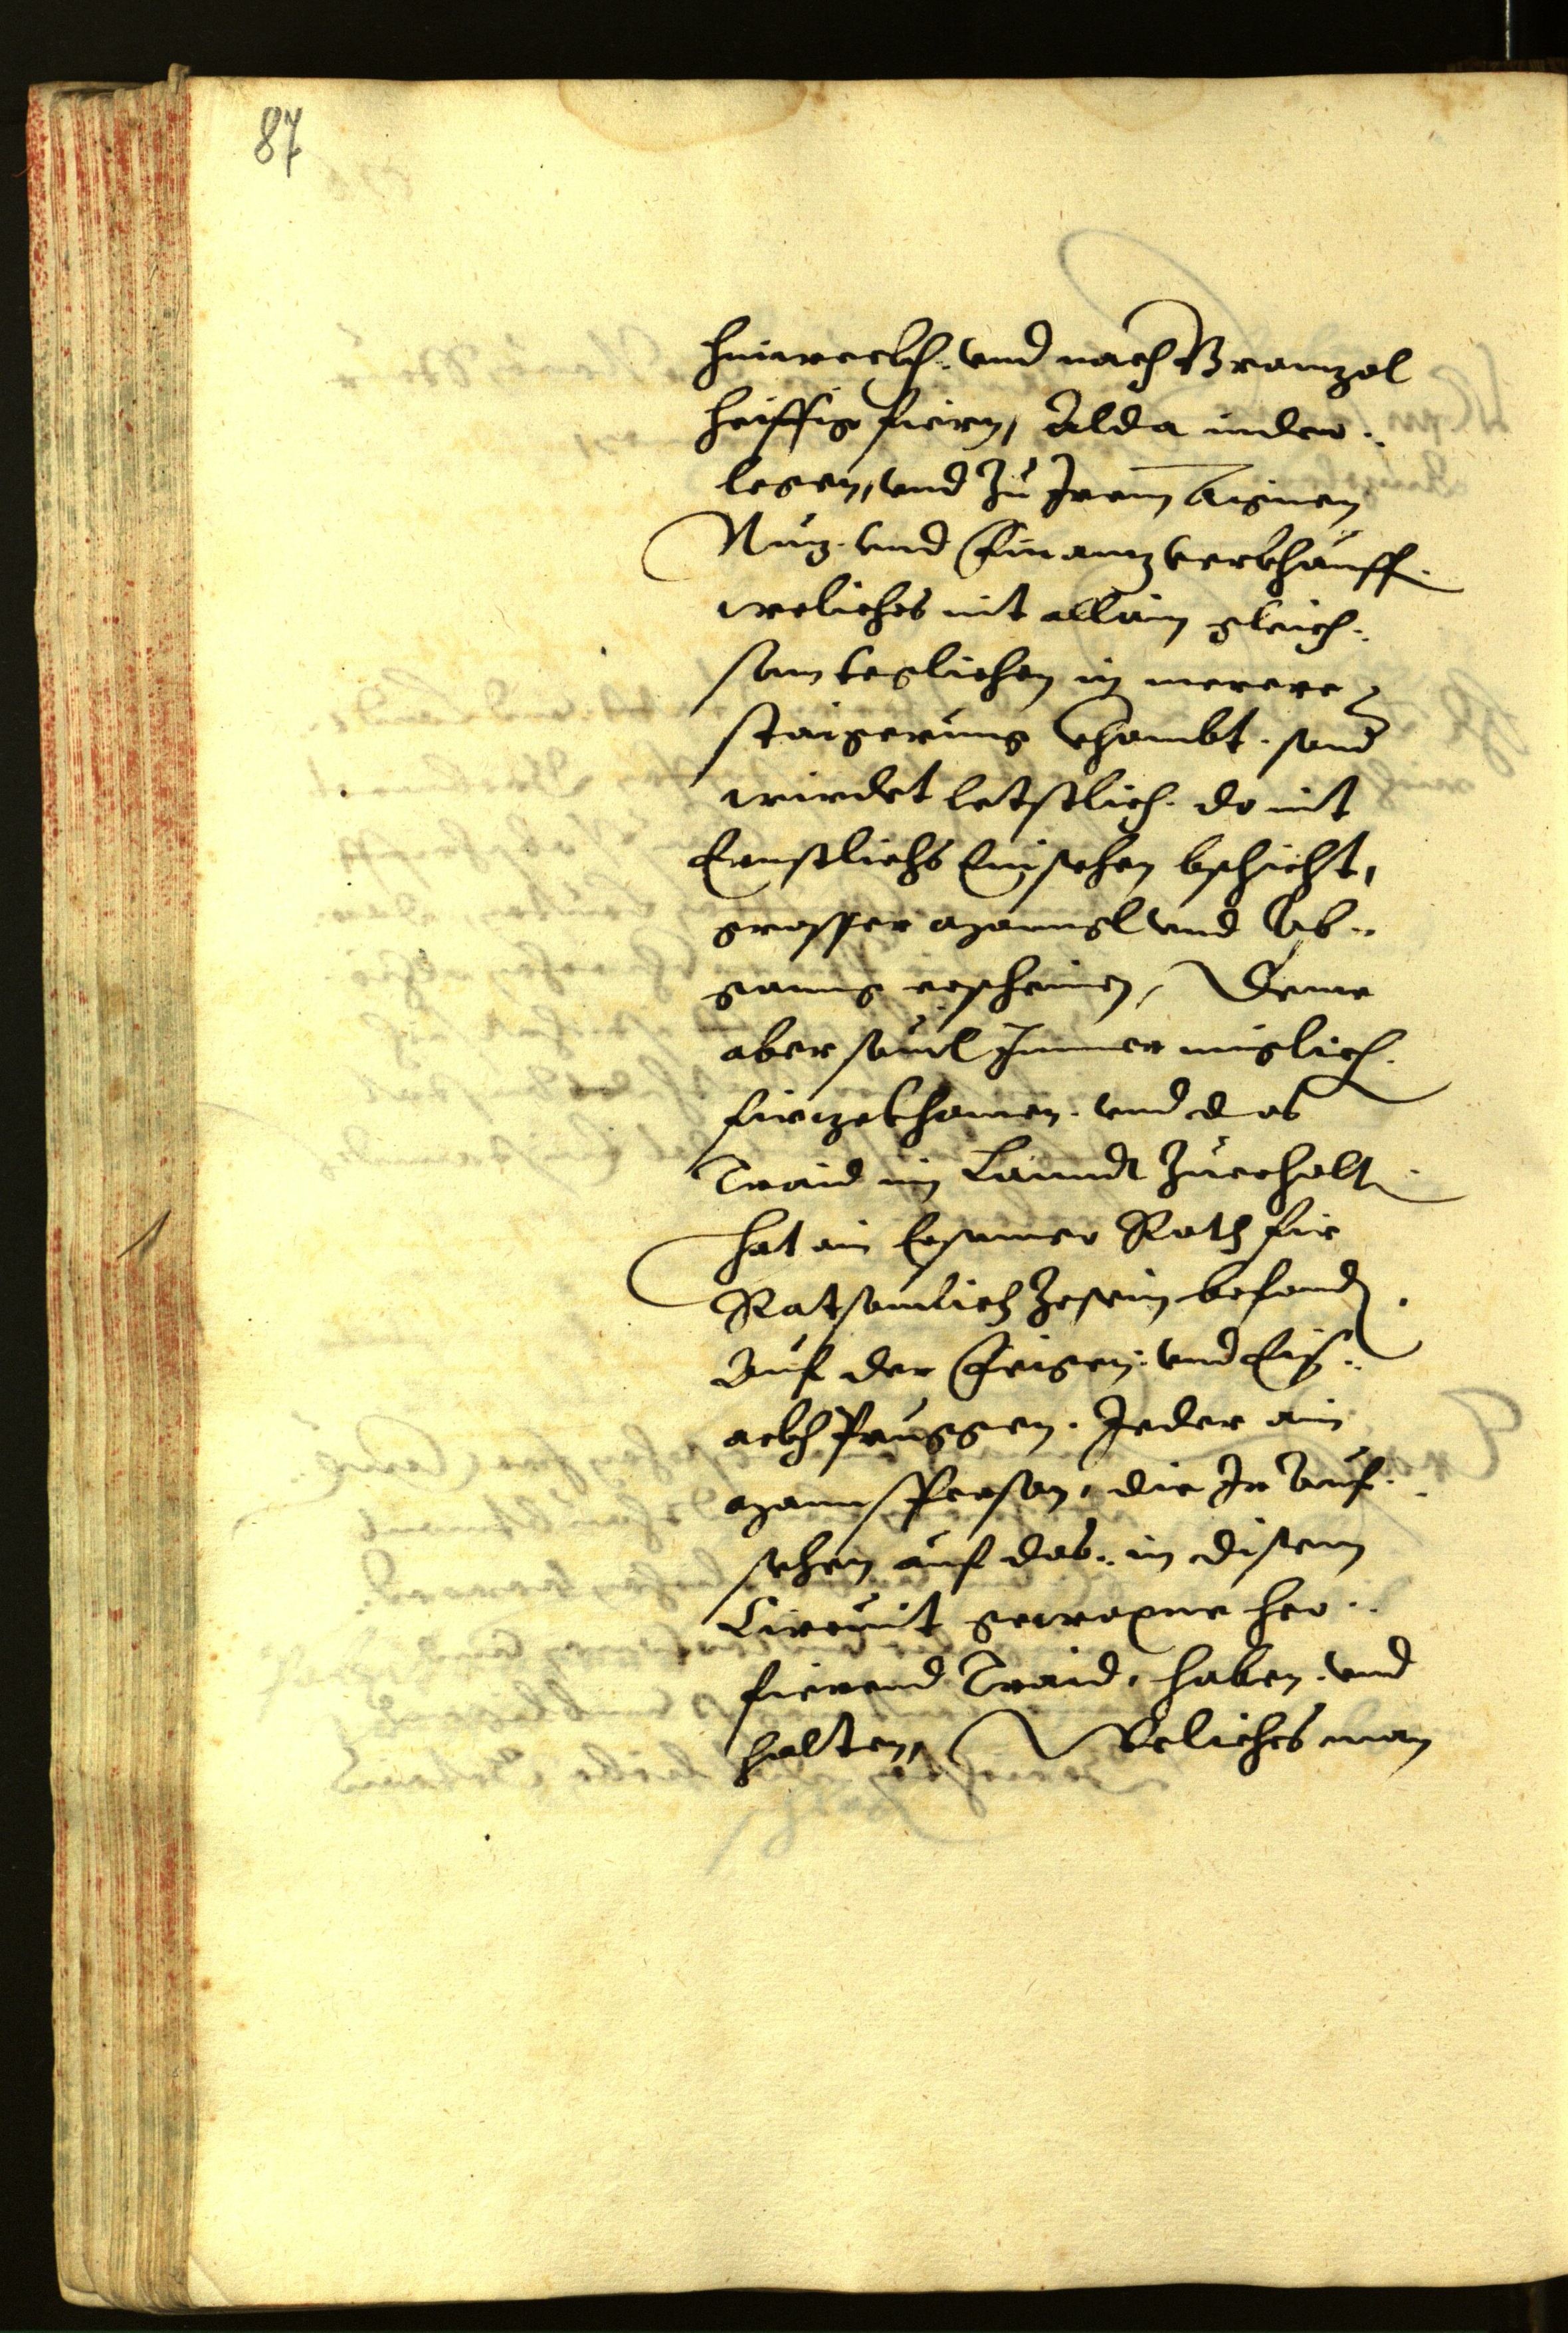87
hinweckh. vnd nach Branzol
heiffig fiern, Alda nider¬
legen, vnd Zū Irem Aignen
Nūz. vnd Finanz verkhaūff.
weliches nit allain gleich¬
sam teglichen in merere
staigerūng khombt. sond
wirdet letslich. da nit
Ernstlichs Einsehen bschieht,
grosser Manngl vnd Ab¬
ganng erscheinen, Deme
aber soūil Immer miglich.
firzekhomen. vnd das
Traid im Lanndt Zūerhalt.
hat ain Ersamer Rath fir
Ratsamlich Zesein befond.
Aūf der Feigen: vnd Eis¬
ackh Prūggen. Jeder ain
Mannsperson, die Ir Aūf¬
sehen aūf das: in disem
Circūit gewaxne her¬
fierend Traid, haben. vnd
halten, Weliches man